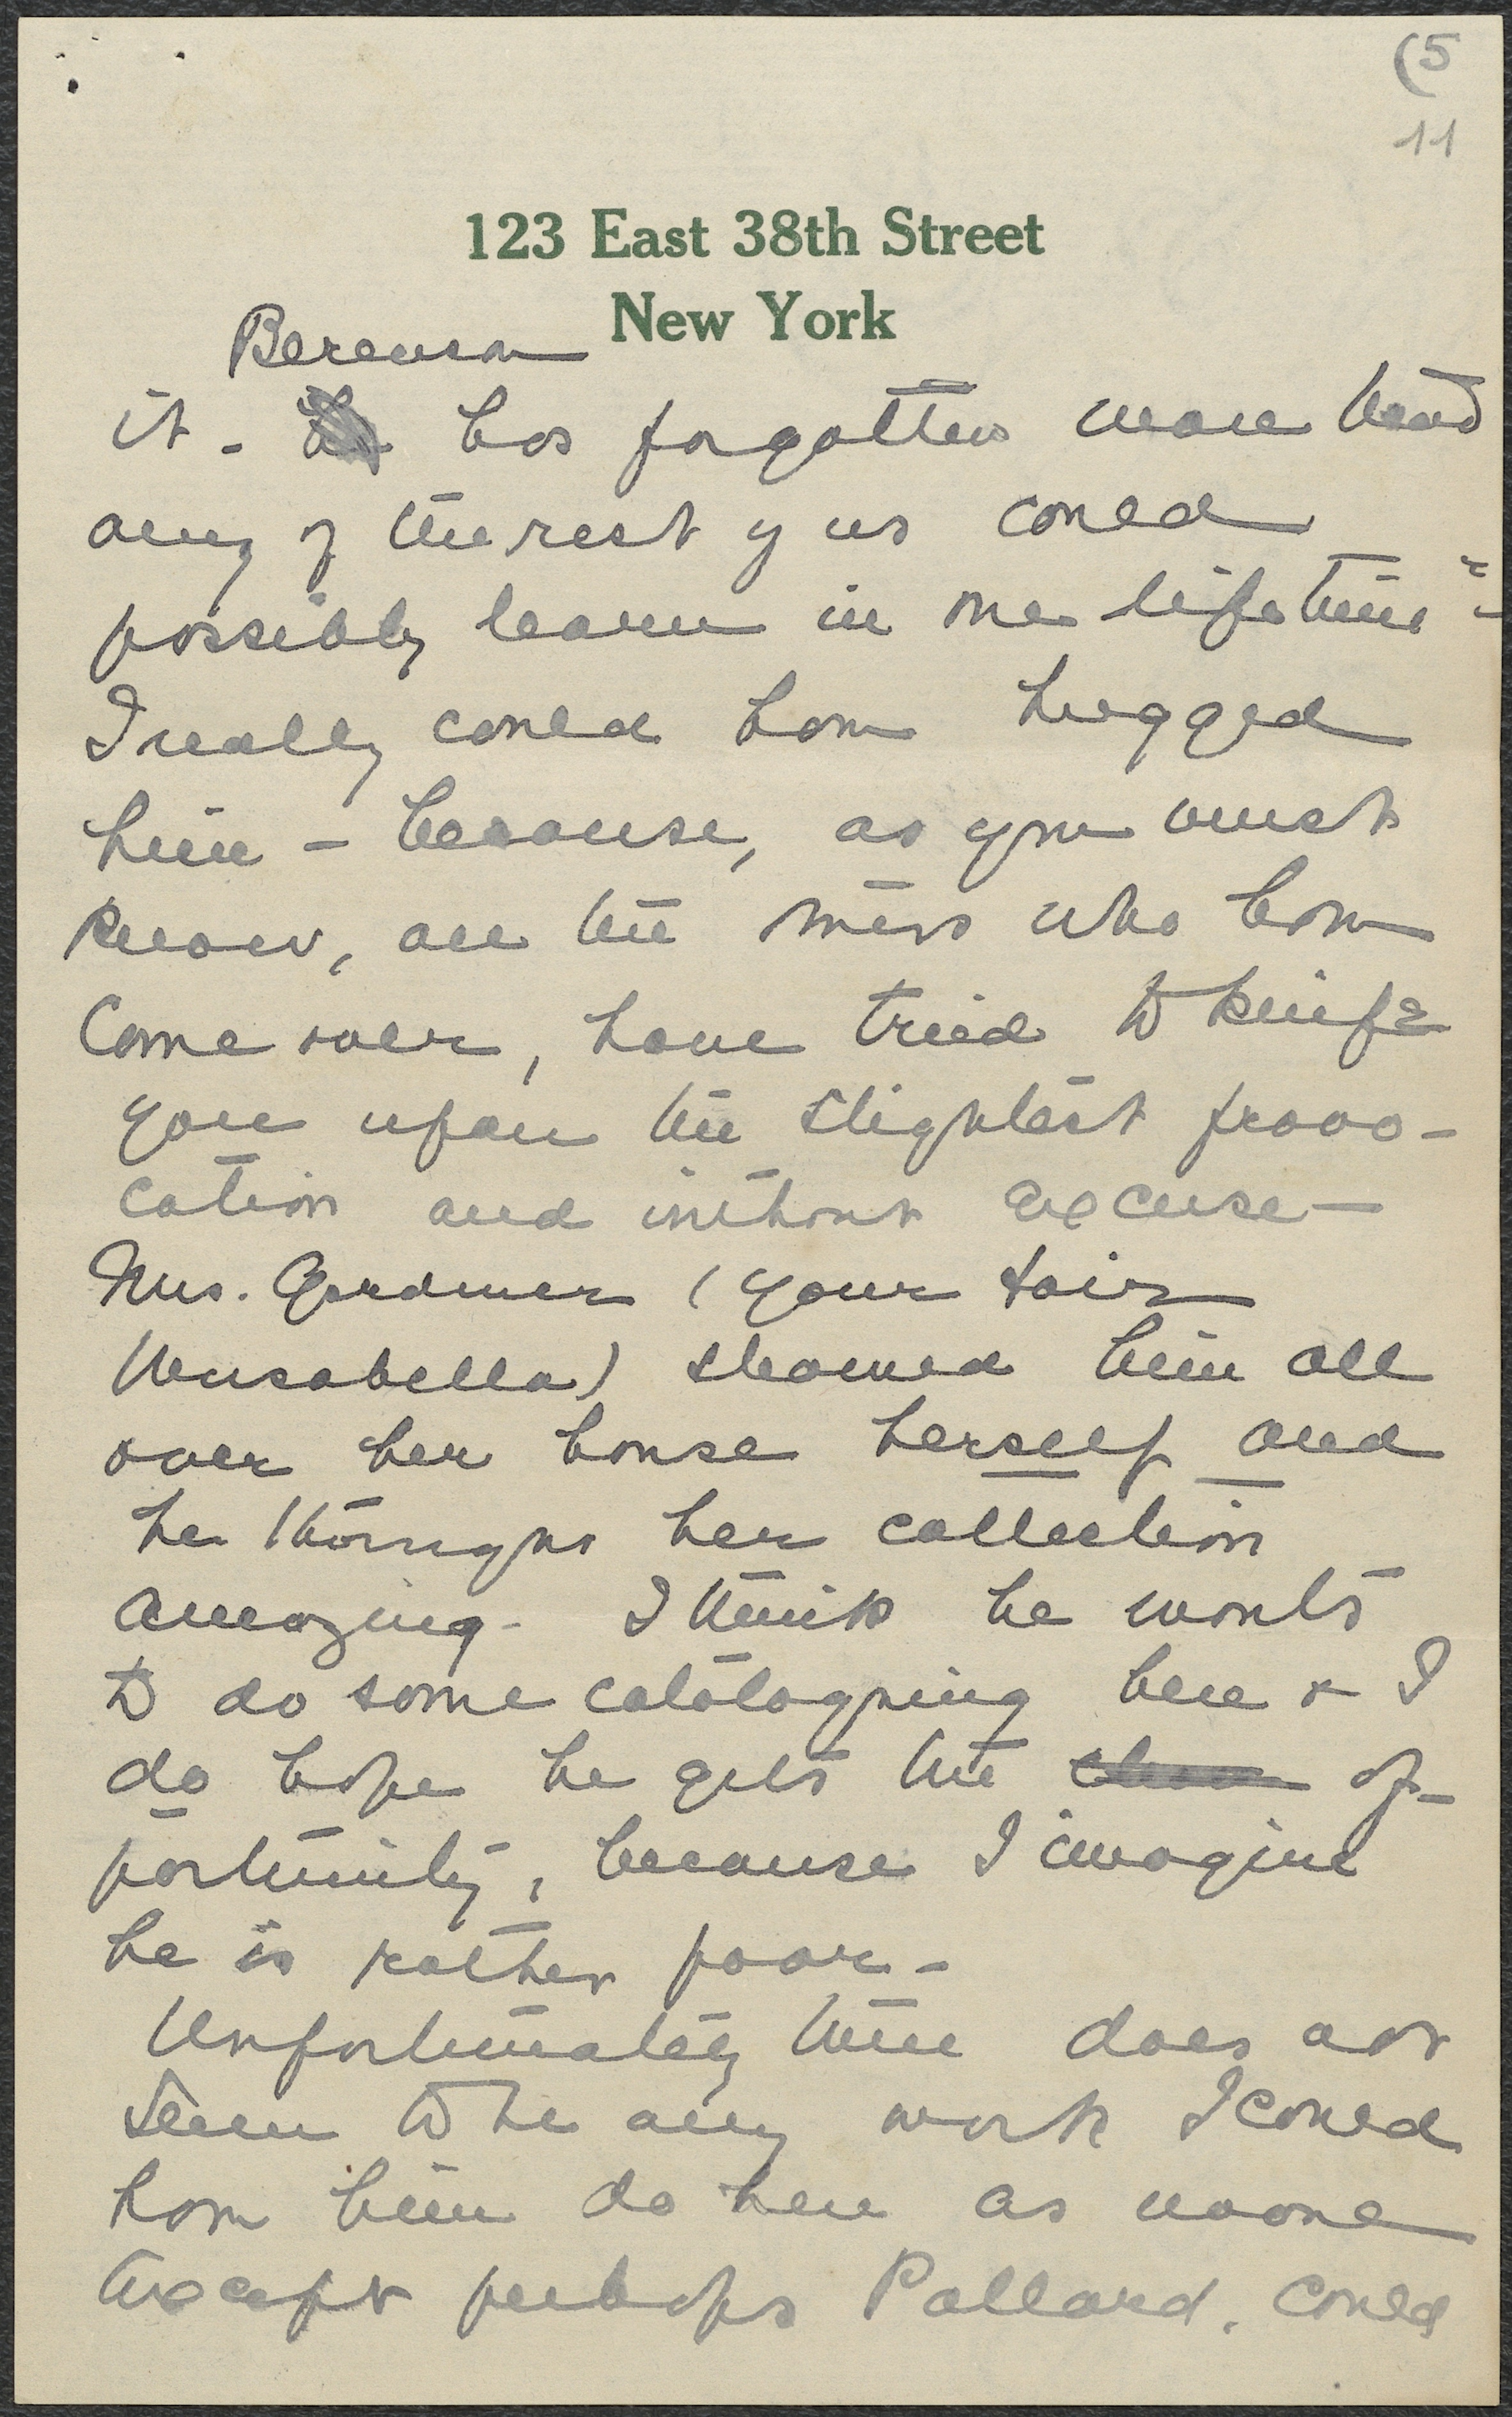it. he [^Berenson^] has forgotten more that [sic] any of the rest of us could possibly learn in one lifetime" – I really could have hugged him – because, as you must know, all the others who have come over, have tried to knife you upon the slightest provocation and without excuse – Mrs. Gardner (your fair Wusabella) shamed him all over her house herself and she thought her collection amazing. I think he wants to do some cataloguing here & I do hope he gets the chance opportunity, because I imagine he is rather poor –
Unfortunately there does not seem to be any work I could have him do here as no one except perhaps Pollard, could